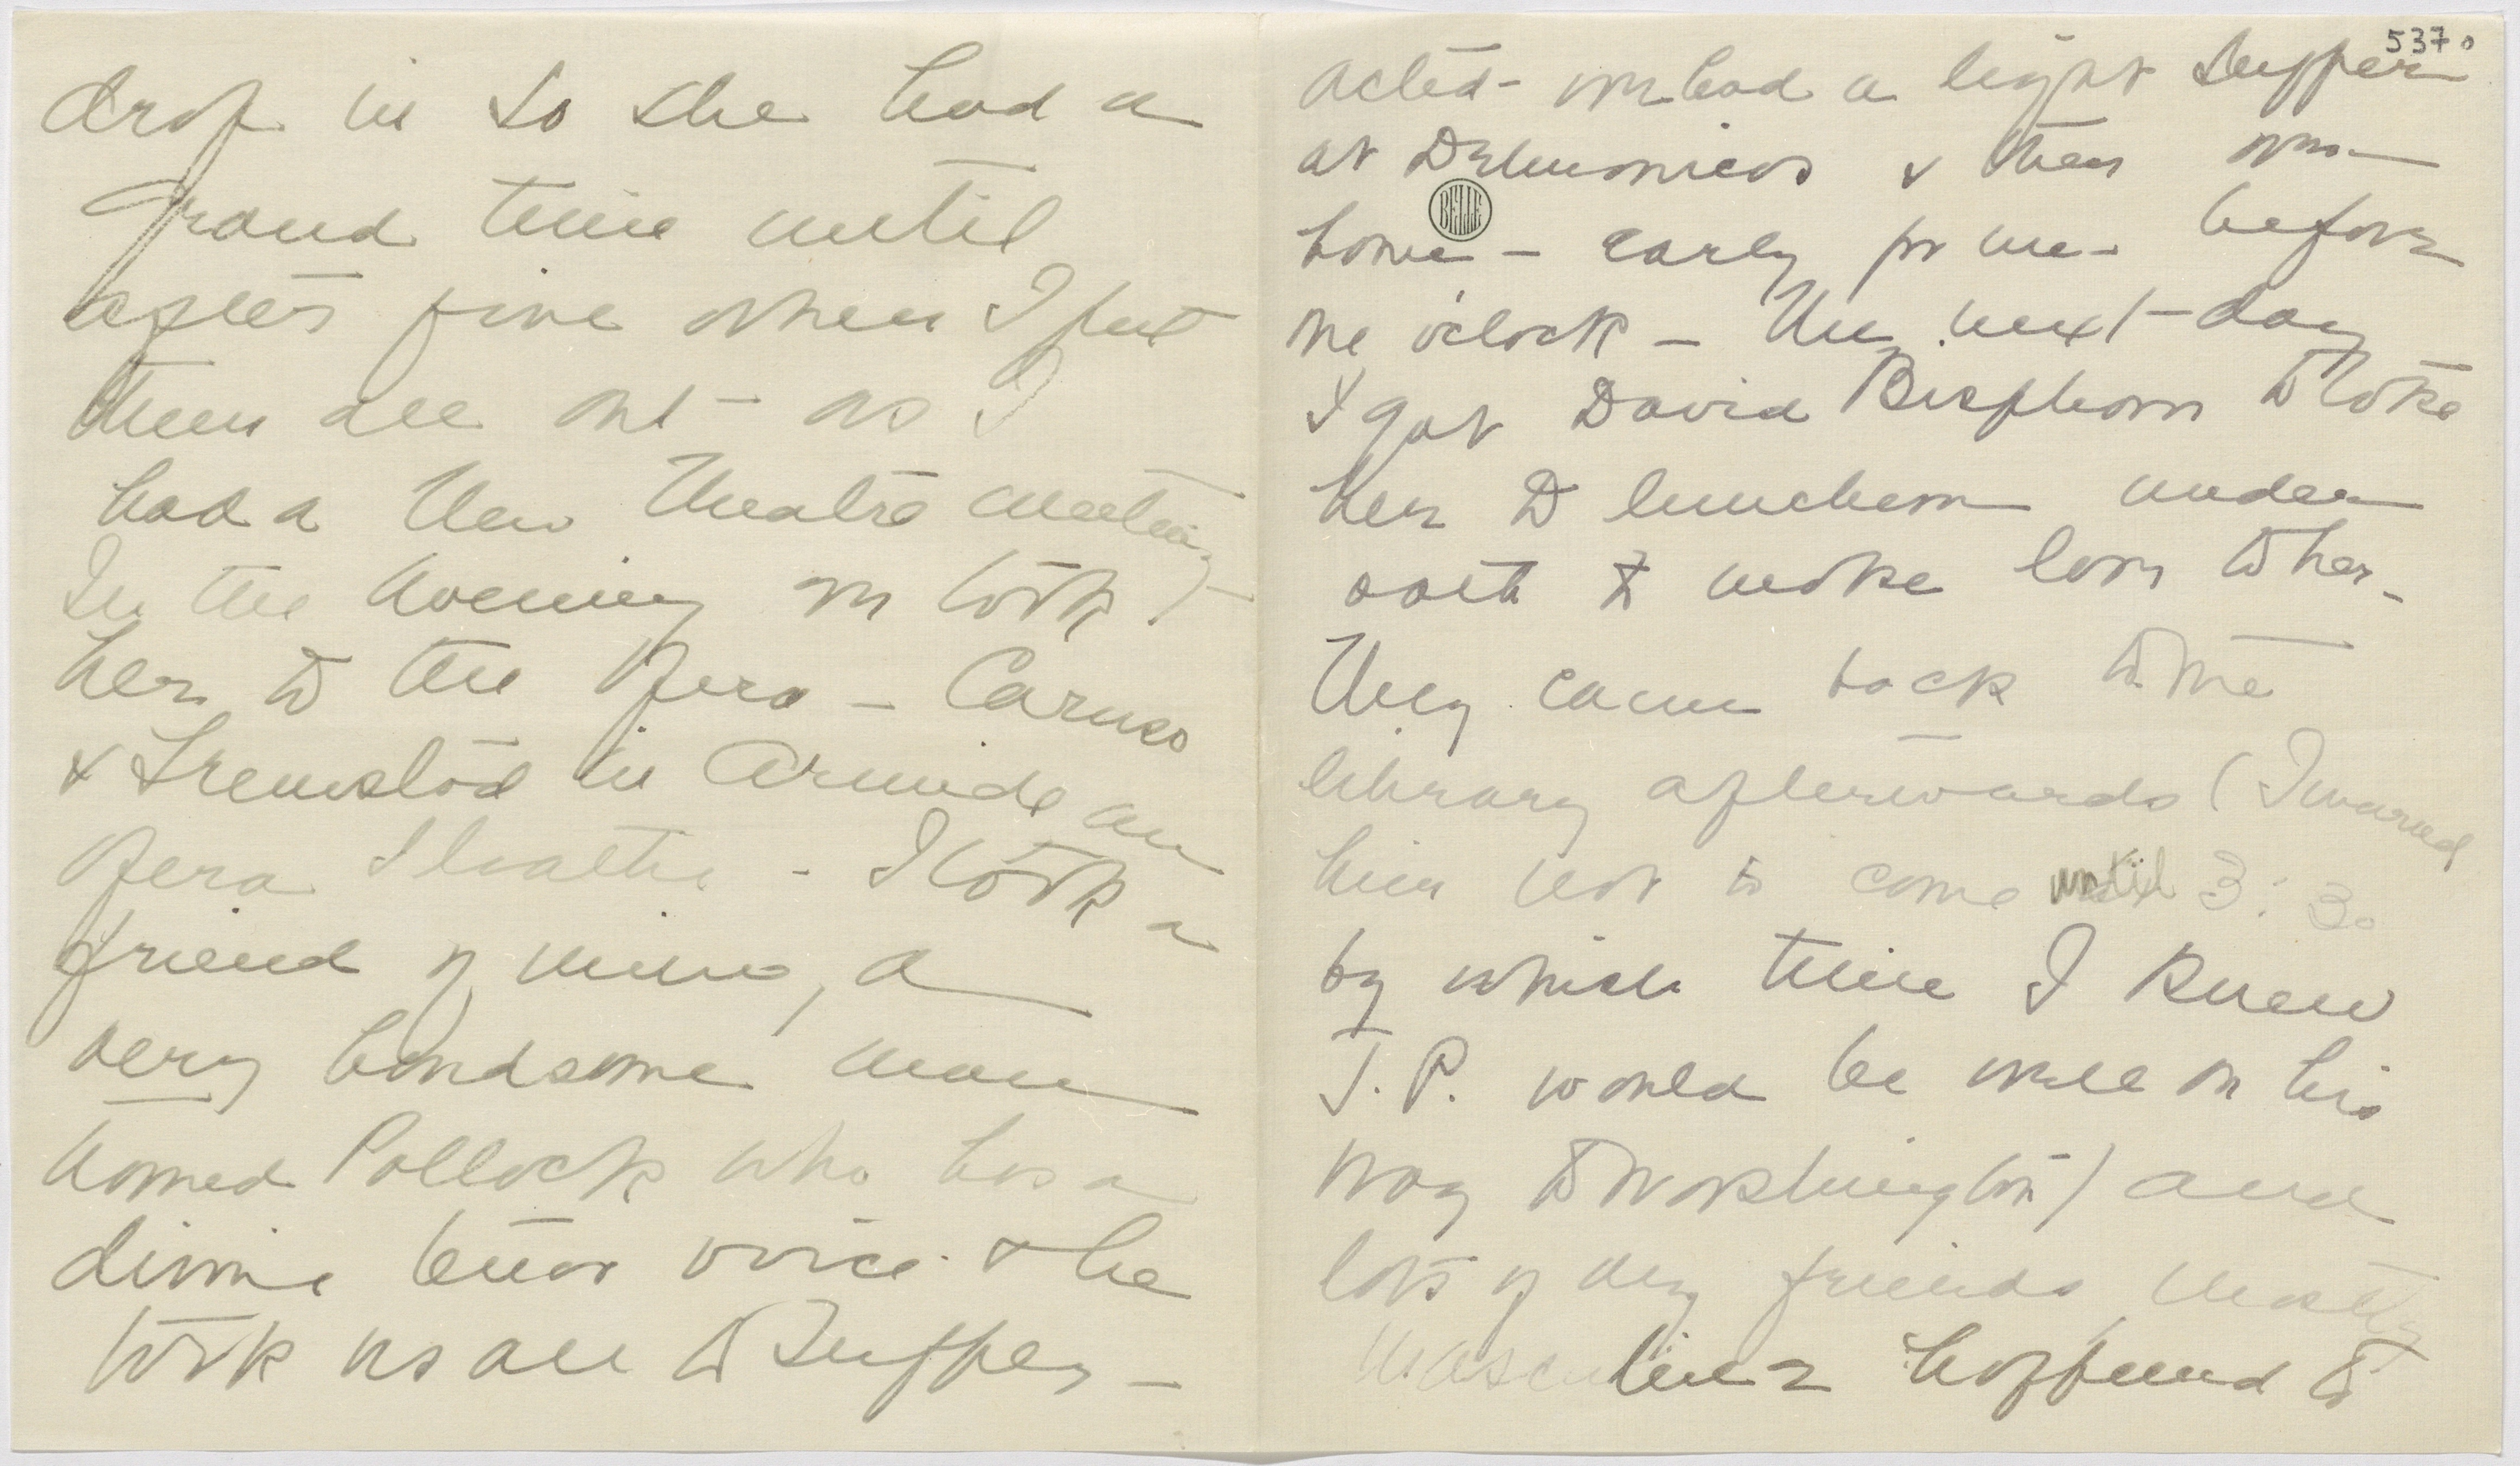acted – we had a light supper at Delmonicos & then went home – early for me – before one o’clock – The next day I got David Bispham to take her to luncheon under oath & make love to her –
They came back to the library afterwards (I warned him not to come til 3:30 by which time I knew J. P. would be well on his way to Washington) and lots of my friends, mostly masculine happened to
drop in so she had a grand time until after five when I put them all out as I had a New Theatre meeting –
In the evening we took her to the opera – Caruso & Fremstad in Armide an opera I loathe – I took a friend of mine, a very handsome man named Pollock who has a divine tenor voice & he took us all to supper